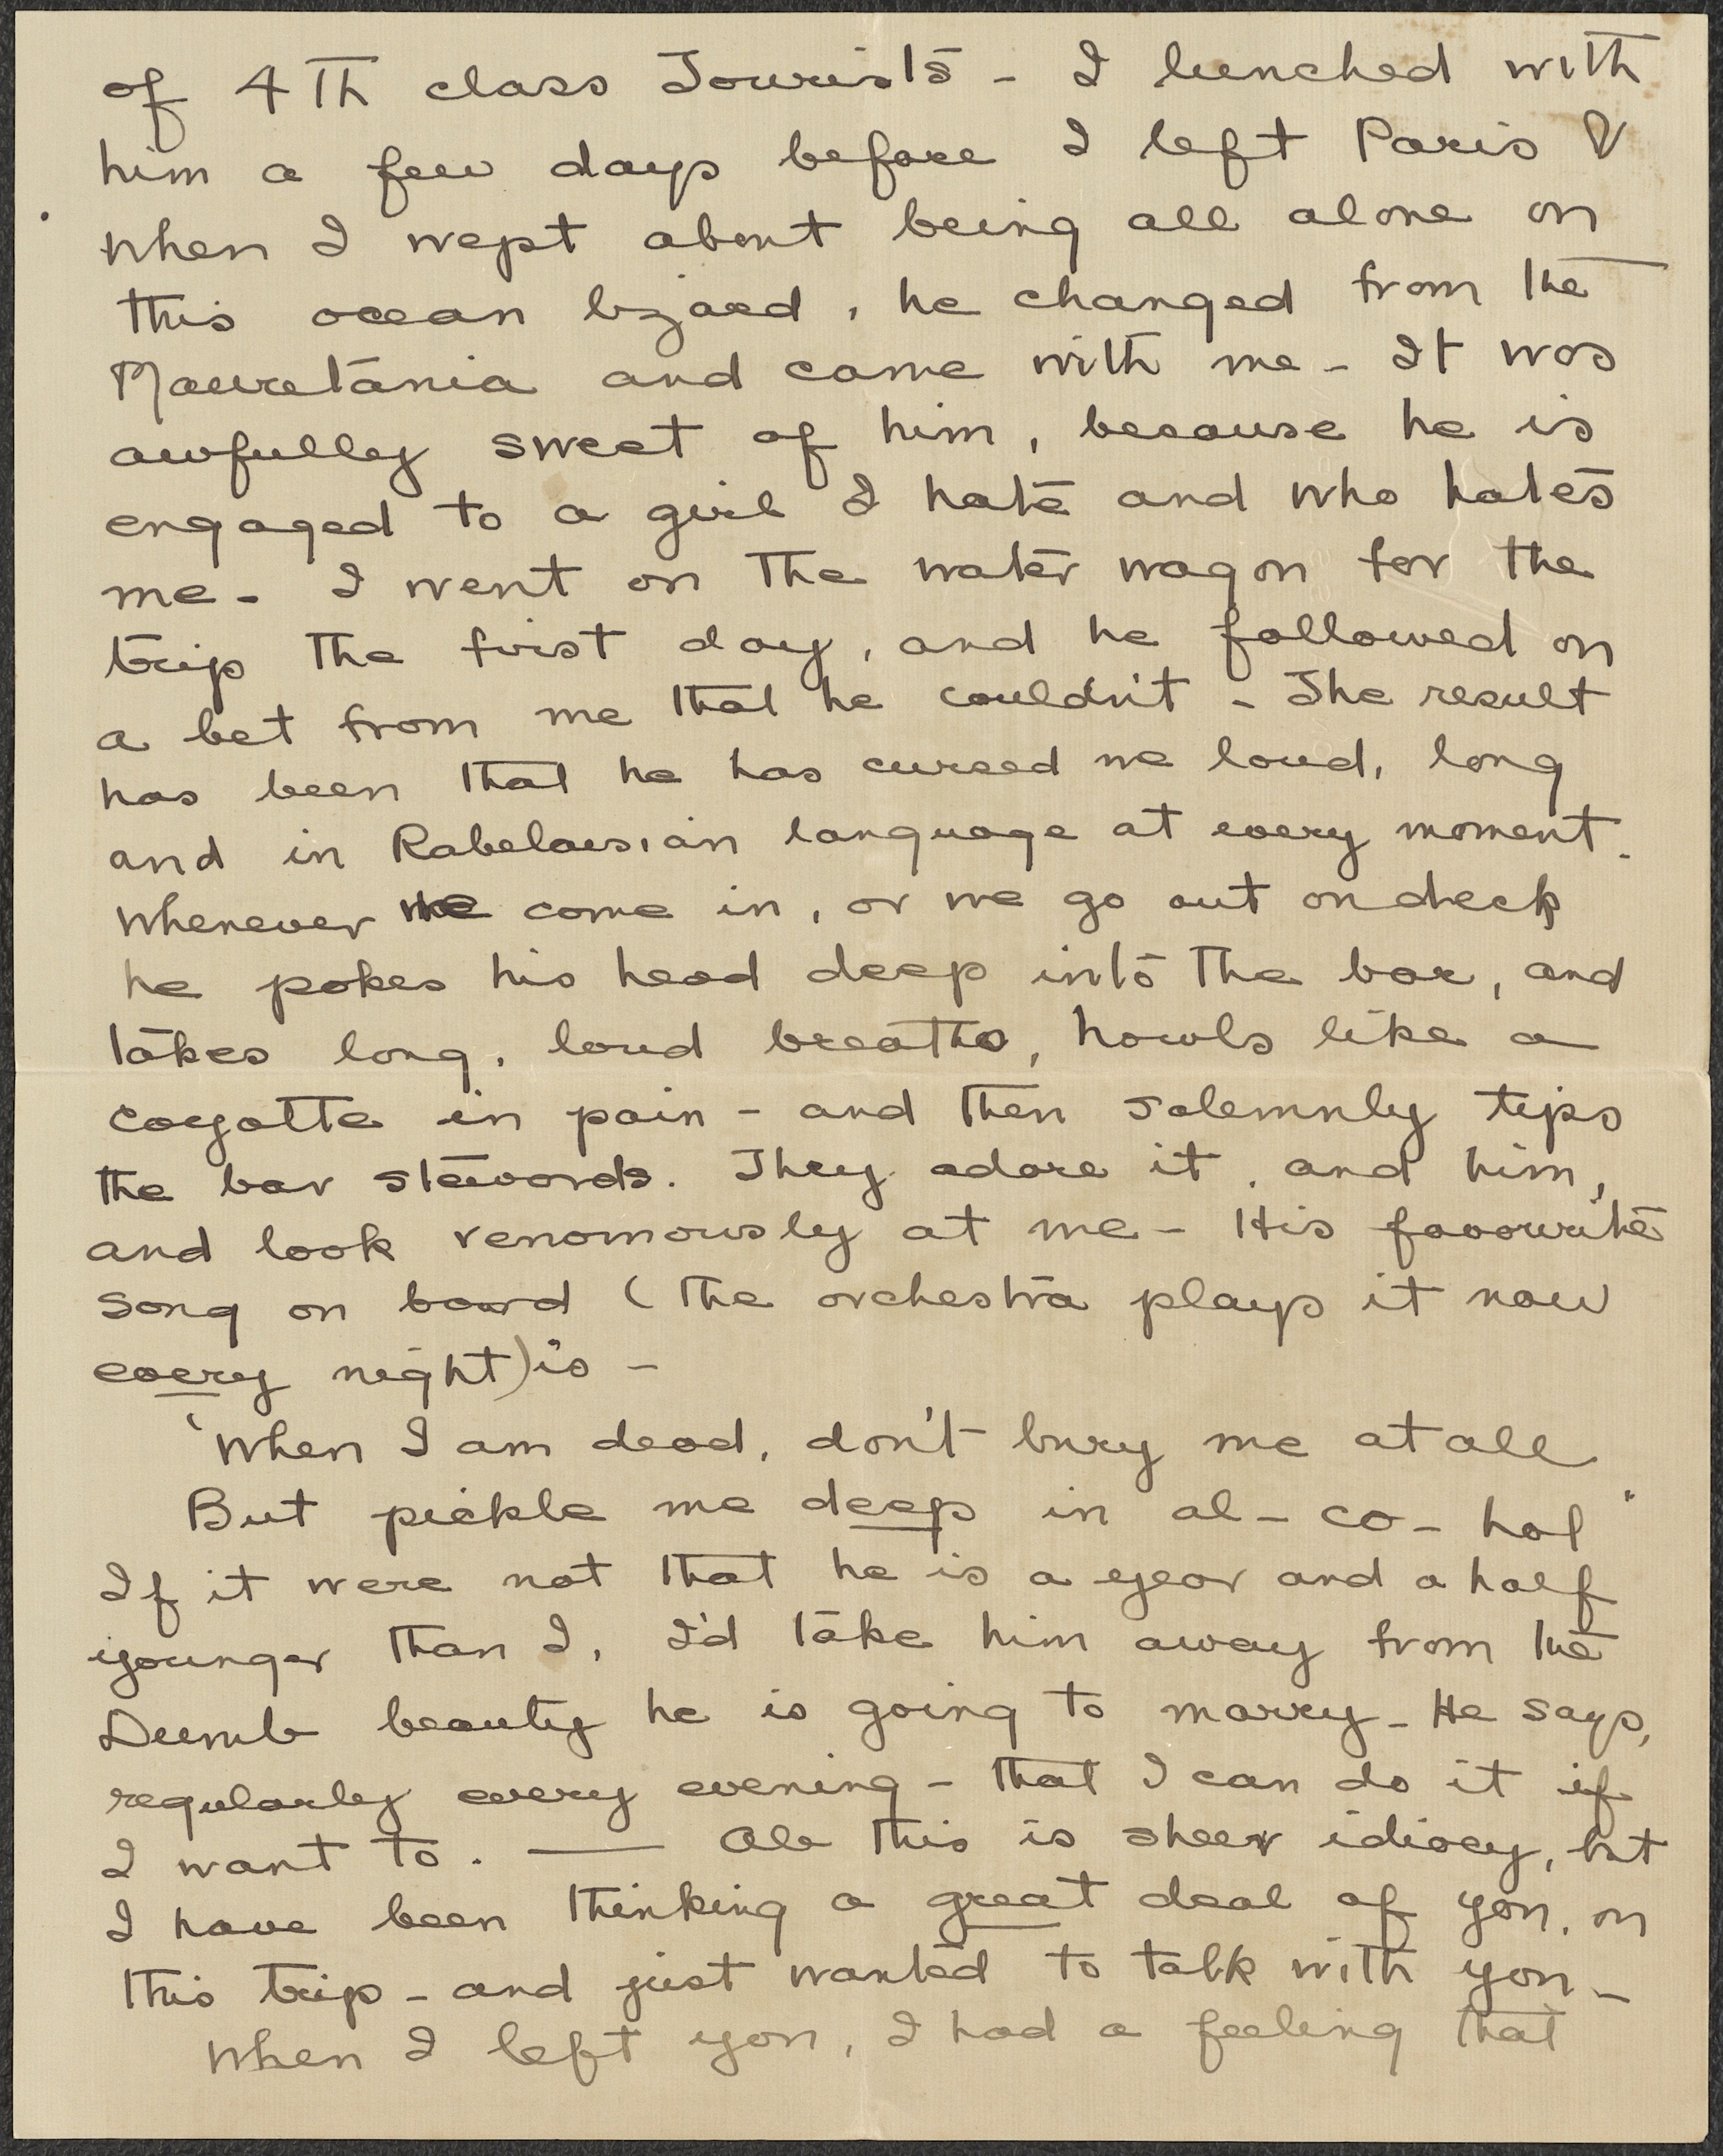of 4th class Tourists – I lunched with him a few days before I left Paris & when I wept about being all alone on this ocean lizard, he changed from the Mauretania and came with me – It was awfully sweet of him, because he is engaged to a girl I hate and who hates me – I went on the water wagon for the trip the first day, and he followed on a bet from me that he couldn’t – The result has been that he has cursed me loud, long and in Rabelaisian language at every moment. Whenever he come [sic] in, or we go out on deck he pokes his head deep into the bar, and takes long, loud breaths, howls like a coyotte [sic] in pain – and then solemnly tips the bar stewards. They adore it, and him, and look venomously at me – His favorite song on board (the orchestra plays it now every night) is –
‘When I am dead, don’t bury me at all
But pickle me deep in al-co-hol'
If it were not that he is a year and a half younger than I, I’d take him away from the Dumb beauty he is going to marry – He says, regularly every evening – that I can do it if I want to. – All this is sheer idiocy, but I have been thinking a great deal of you, on this trip – and just wanted to talk with you –
When I left you, I had a feeling that